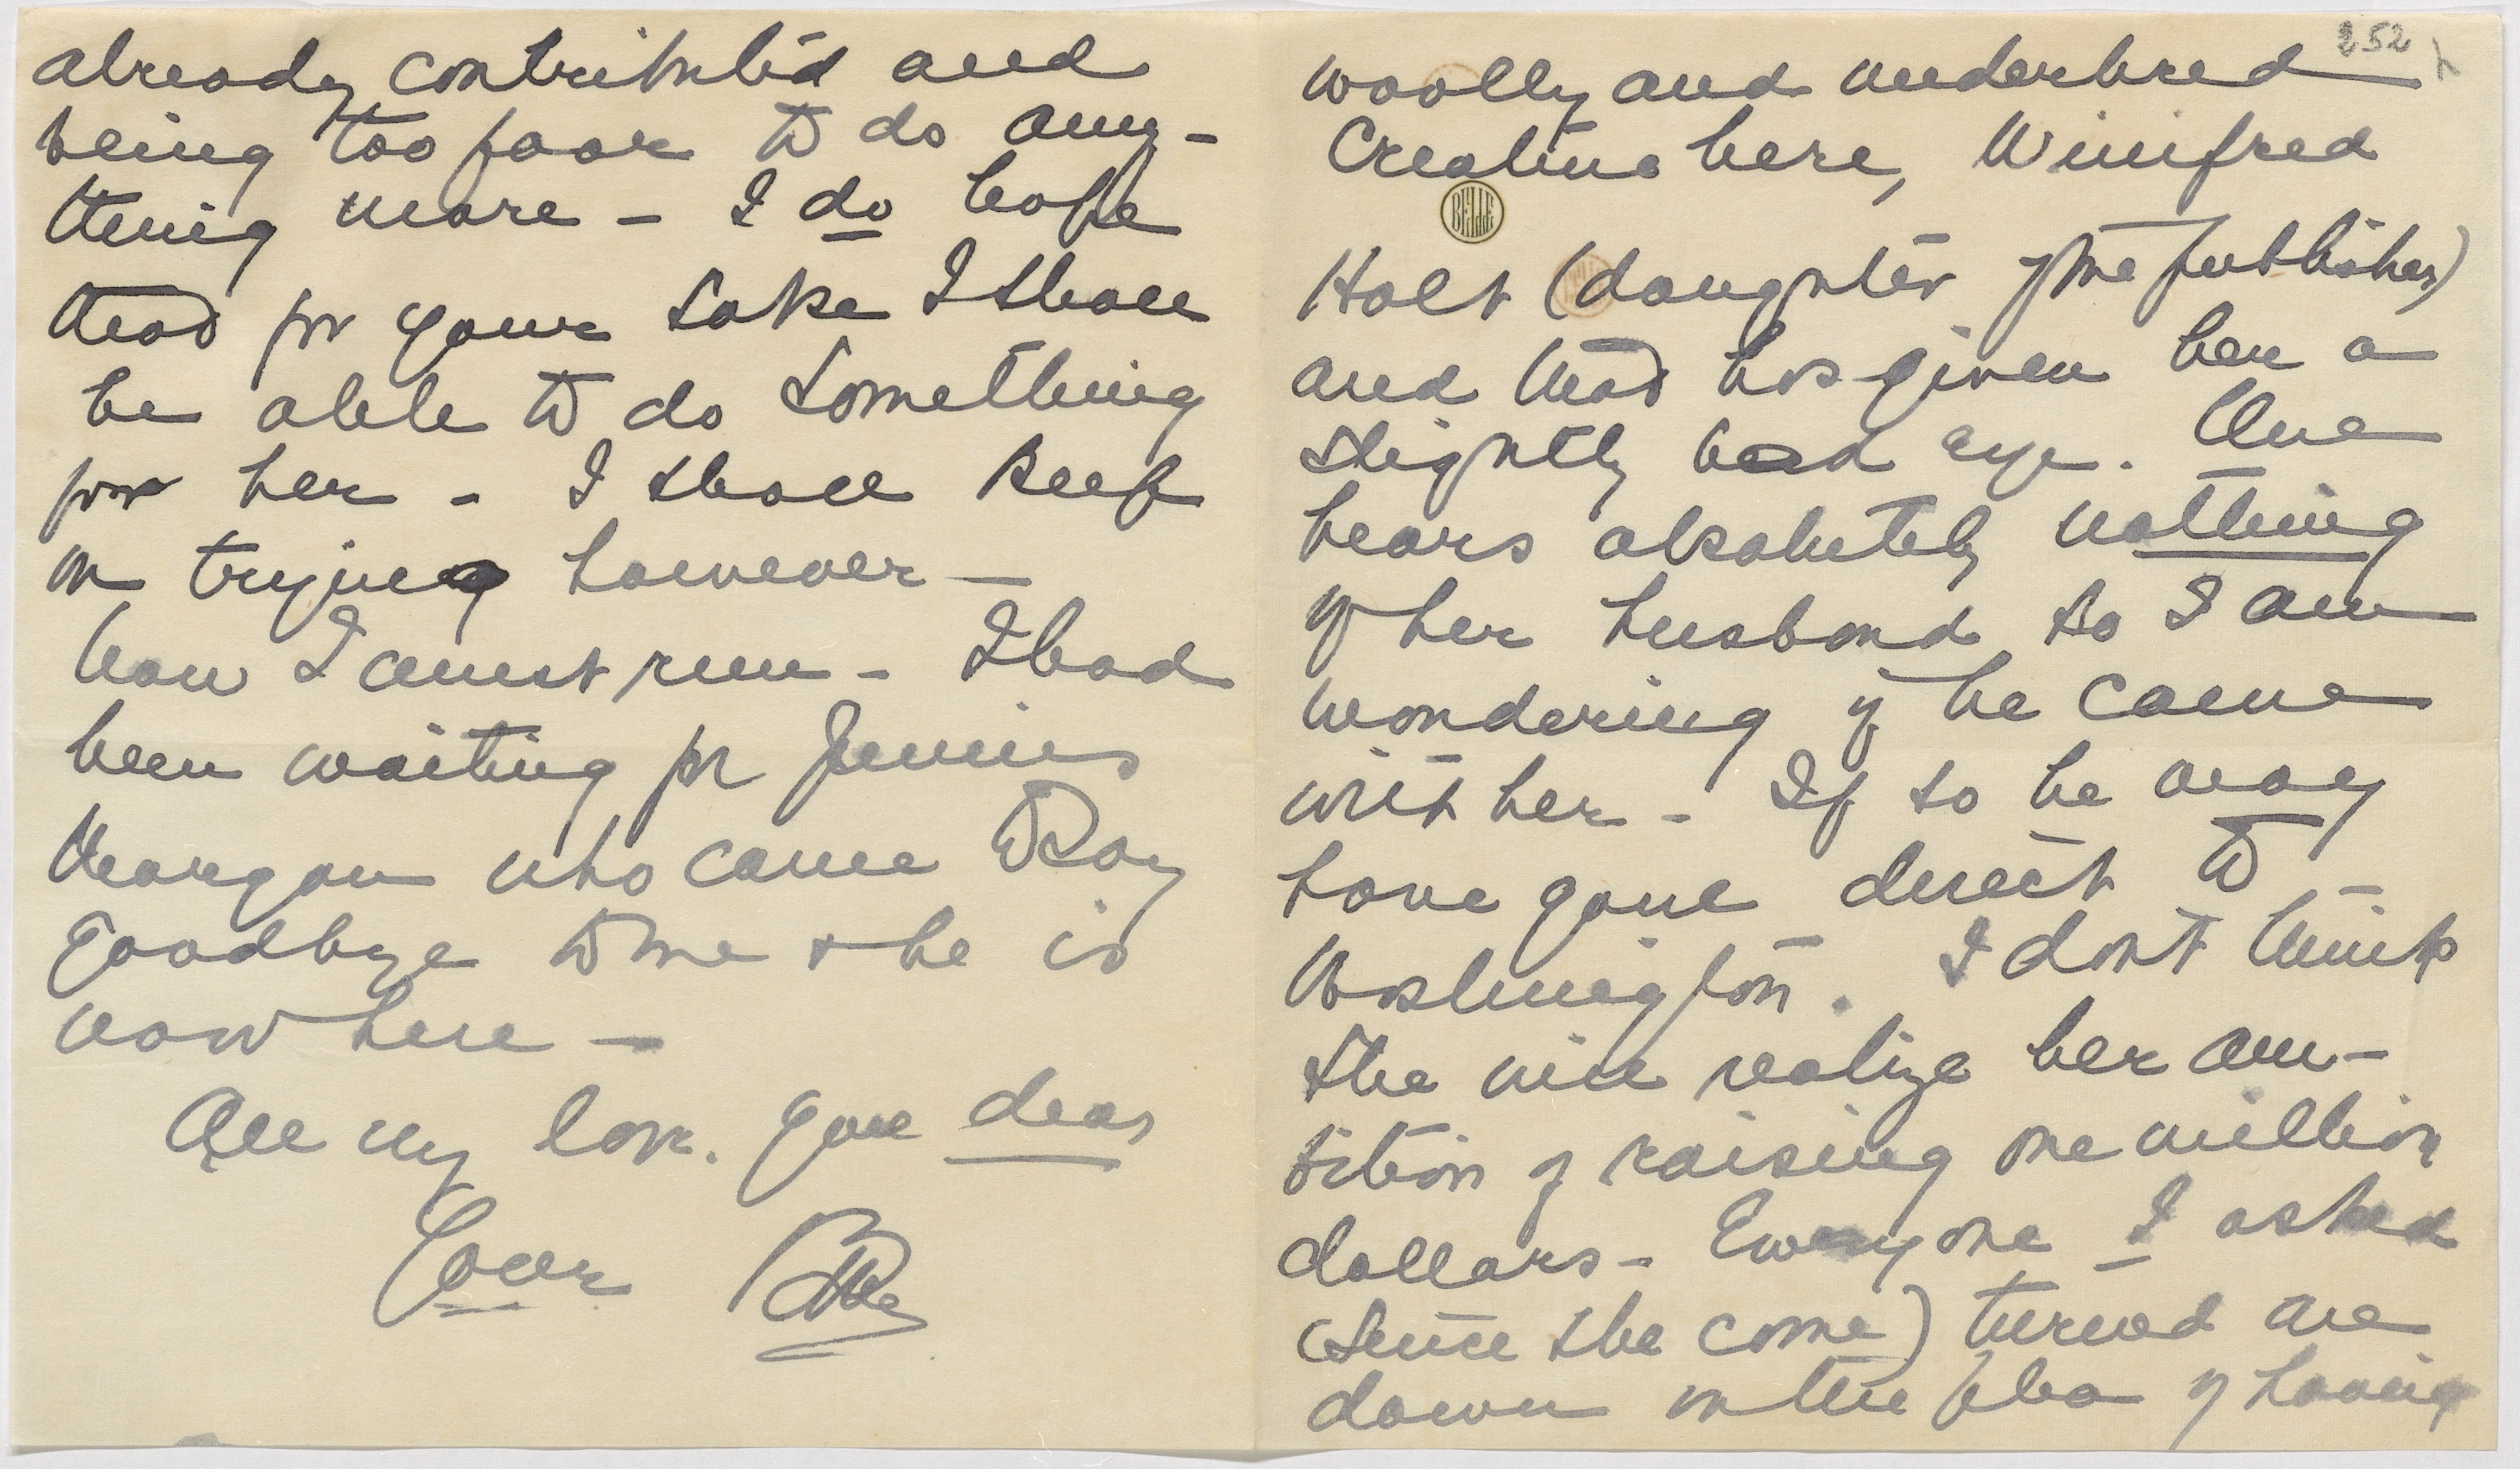wooly and underbred creative here, Winifred Holt (daughter of the publisher) and that has given her a slightly bad eye. One hears absolutely nothing of her husband so I am wondering if he came with her – If so he may have gone direct to Washington. I don’t think she will realize her ambition of raising one million dollars – Everyone I asked (since she came) turned me down on the plea of having
already contributed and being too poor to do anything more – I do hope that for your sake I shall be able to do something for her – I shall keep on trying however – now I must run – I had been waiting for Junius Morgan who came to say goodbye to me & he is now here –
All my love. your dear
Your Belle